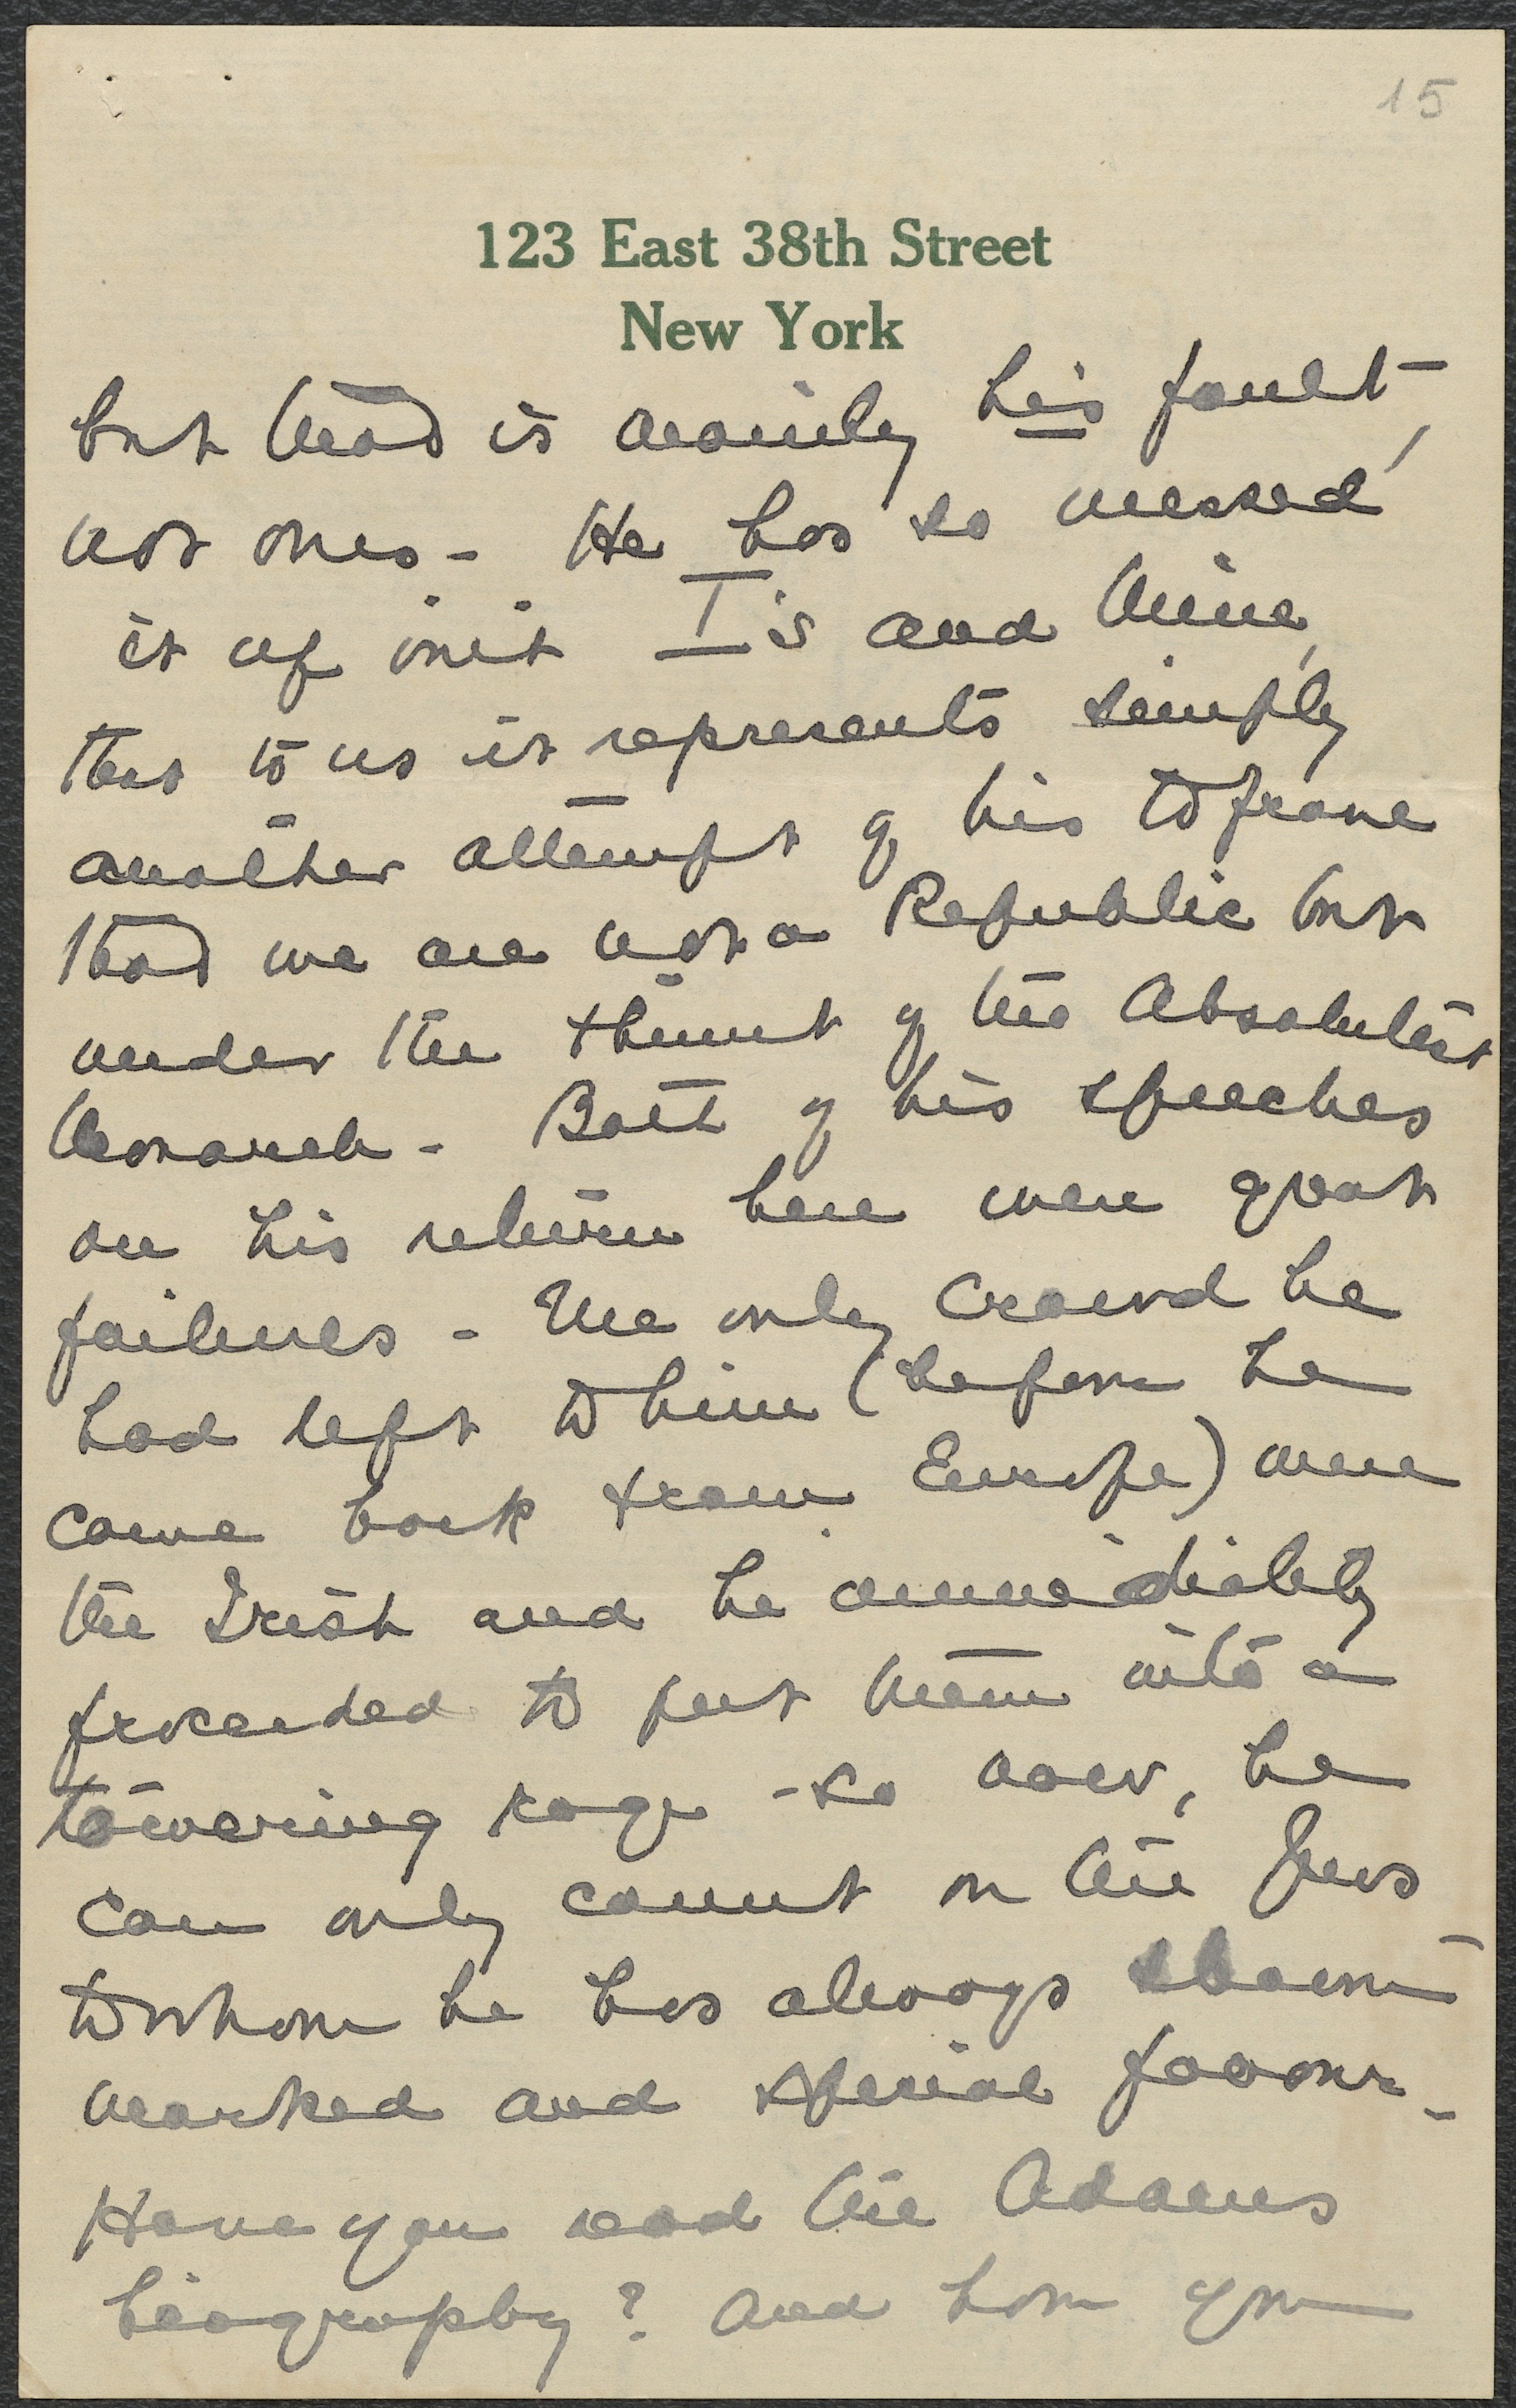but that is mainly his fault not ours – He has so messed it up with I's and mine that to us it represents simply another attempt of his to prove that we are not a Republic but under the thumb of the Absolutest Monarch – Both of his speeches on his return here were great failures – The only crowd he had left to him (before he came back from Europe) were the Irish and he immediately proceeded to put them into a towering rage – so now, he can only count on the Jews to whom he has always shown marked and special favour – Have you read the Adams biography? And have you